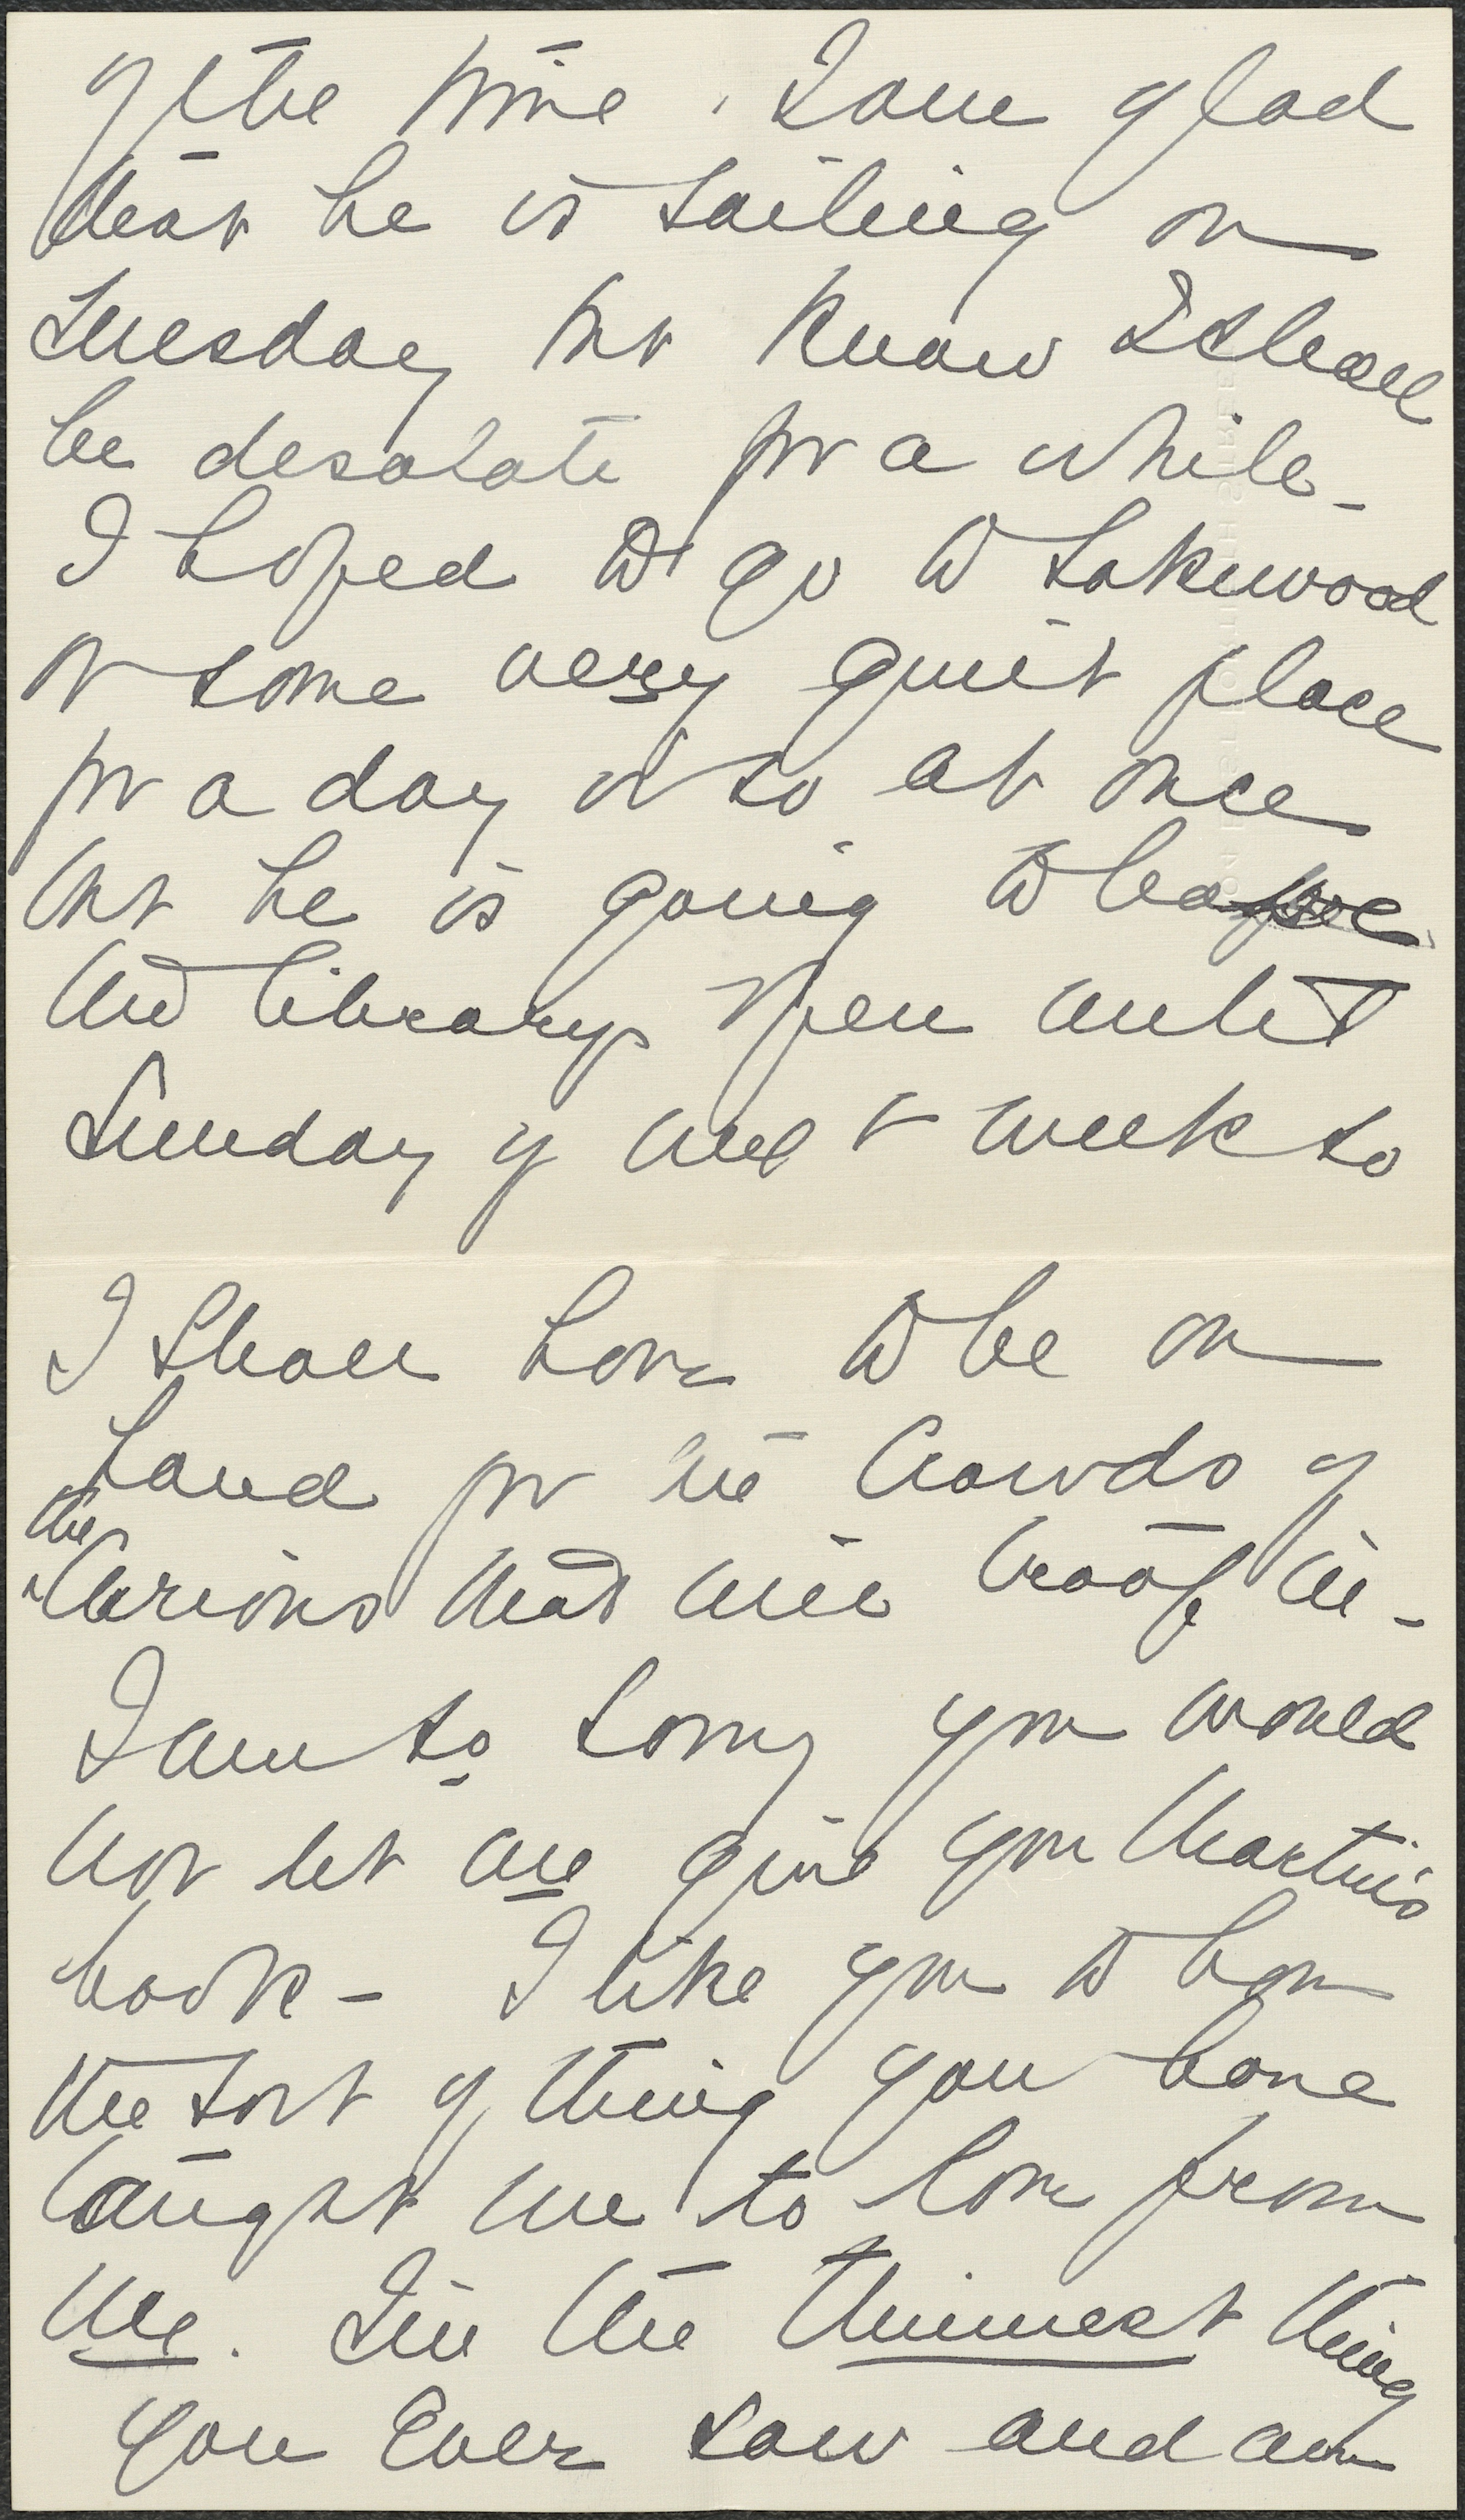of the time. I am glad that he is sailing on Tuesday but know I shall be desolate for a while – I hoped to go to Lakewood or some very quiet place for a day or so at once but he is going to leave the library open until Sunday of next week so I shall have to be on hand for the crowds of [^the^] curious that will troop in – I am so sorry you would not let me give you Martin’s book – I like you to have the sort of thing you have taught me to love from me. I’m the thinnest thing you ever saw and am